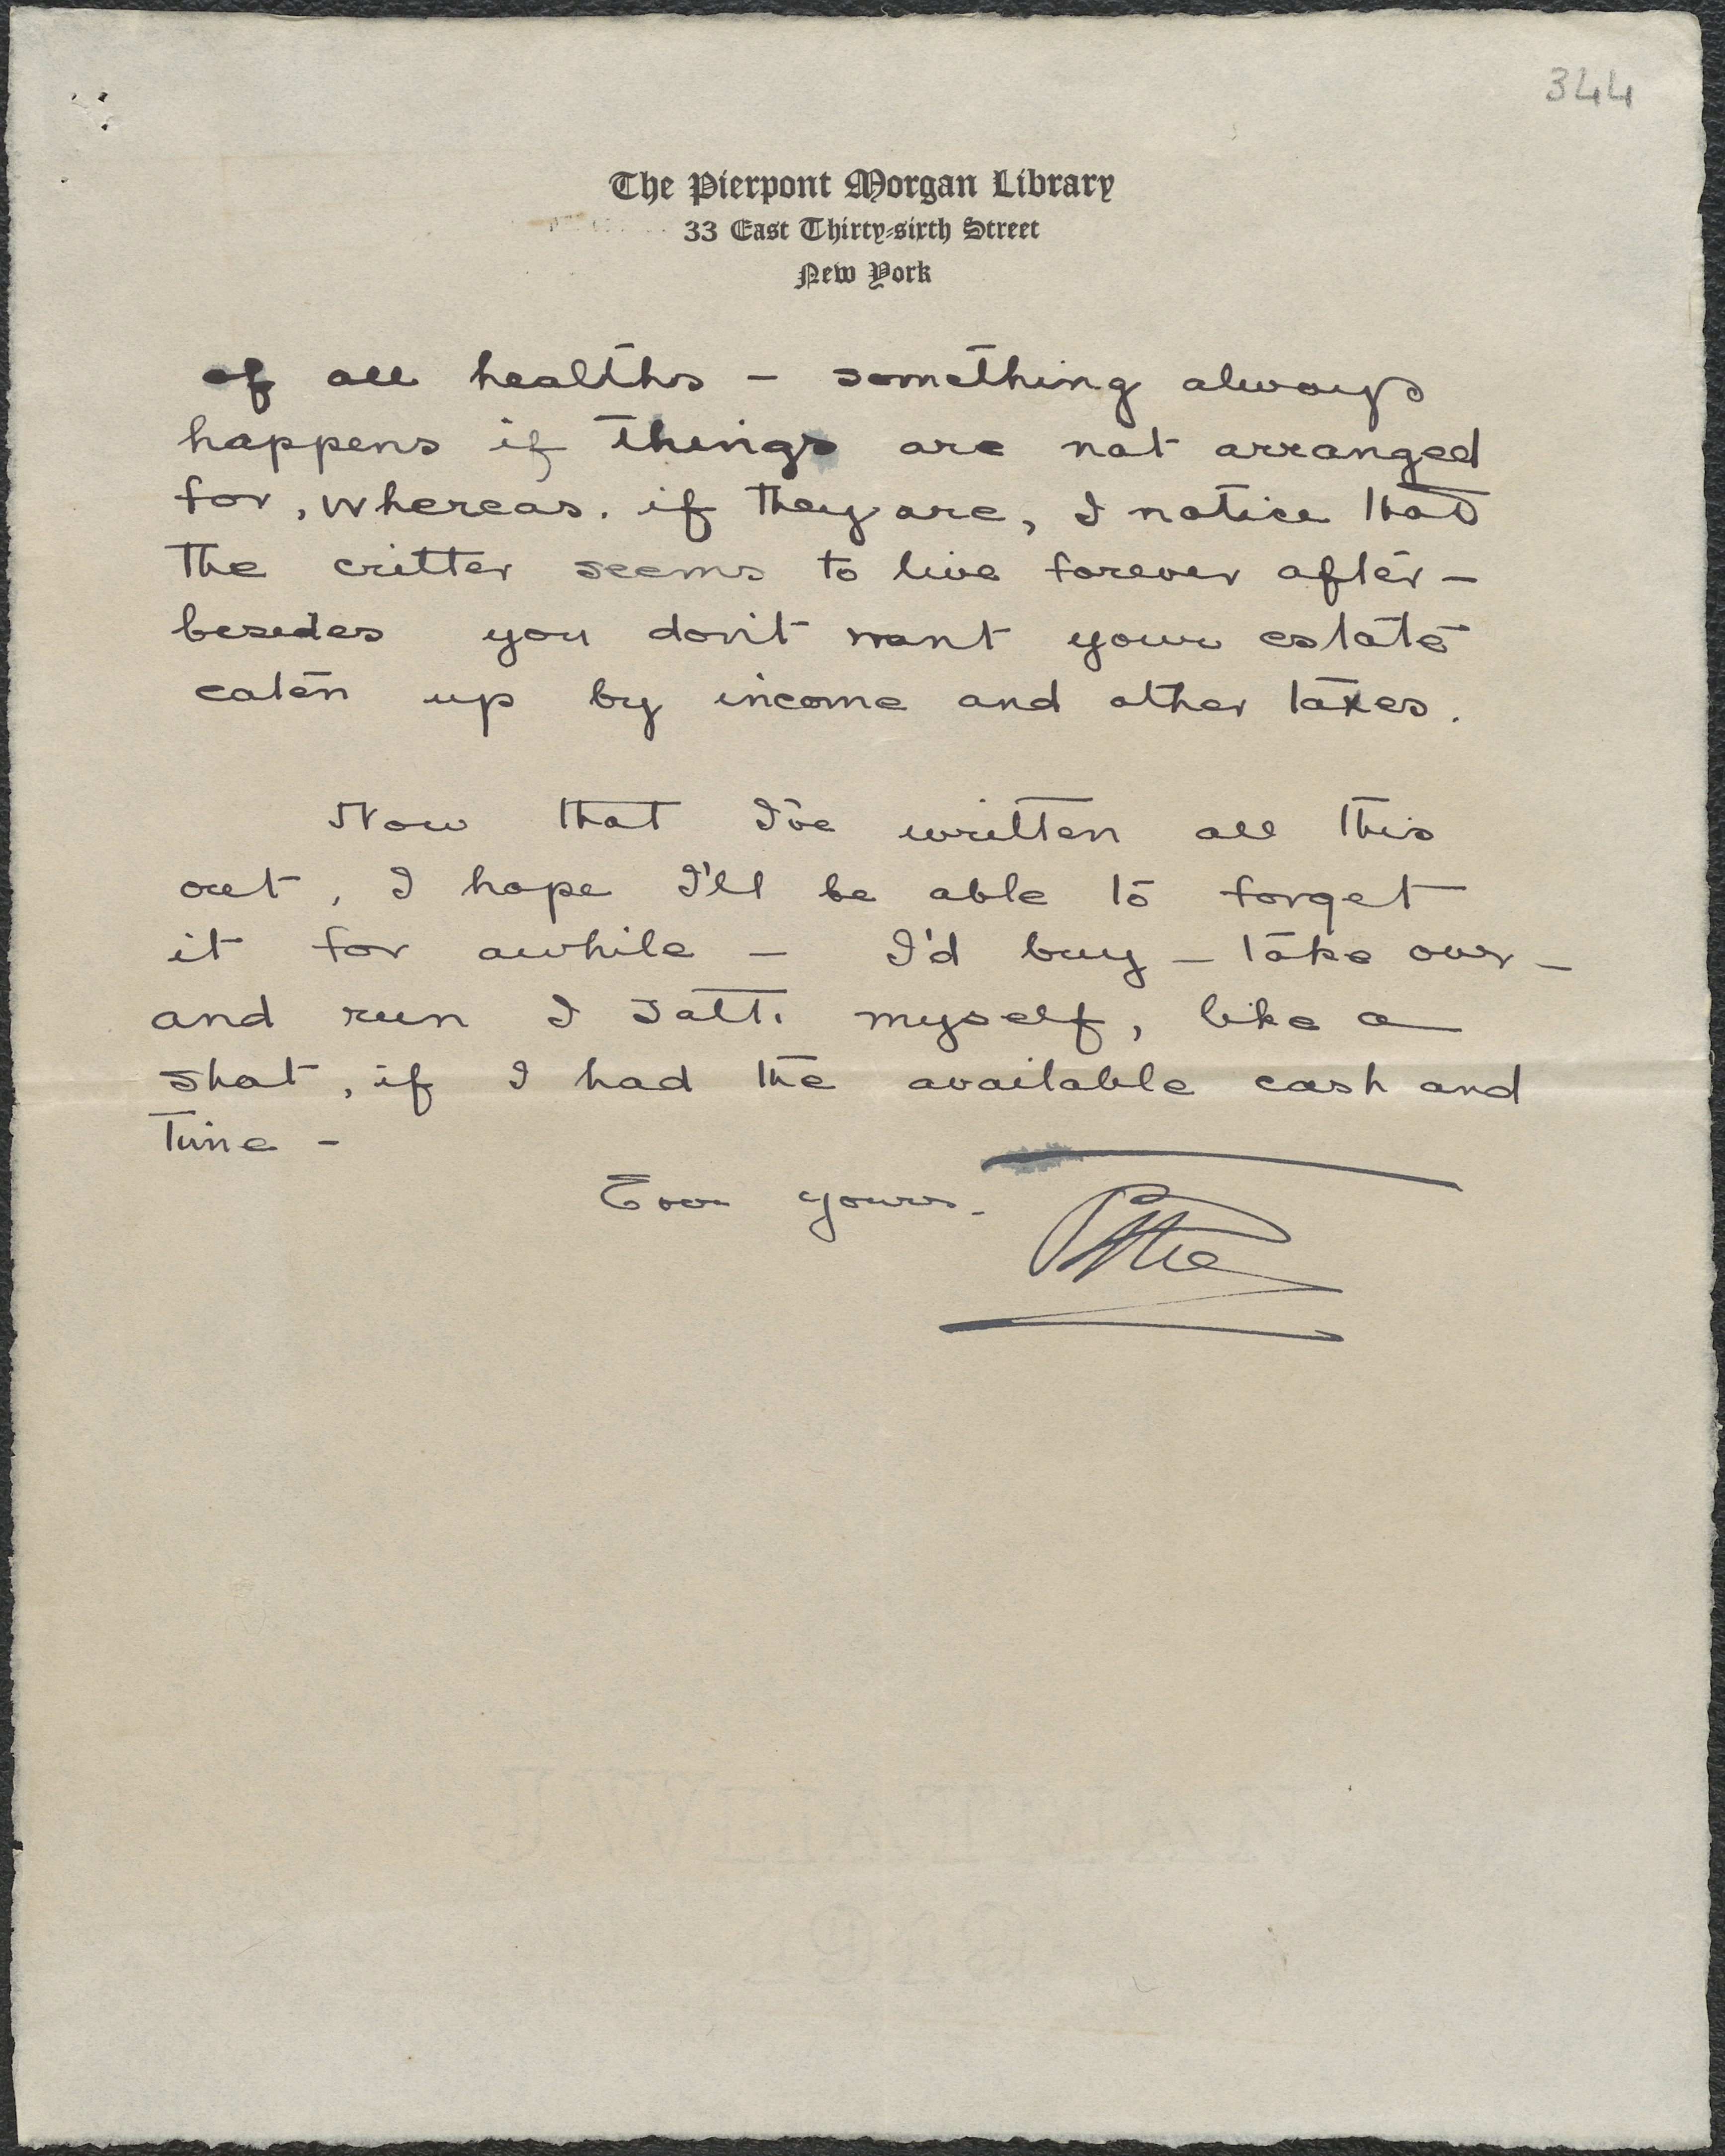of all healths – something always happens if things are not arranged for, whereas, if they are, I notice that the critter seems to live forever after – besides you don't want your estate eaten up by income and other taxes.
Now that I've written all this out, I hope I'll be able to forget it for awhile – I'd buy – take over – and run I Tatti, myself, like a shot, if I had the available cash and time –
Ever yours,
Belle